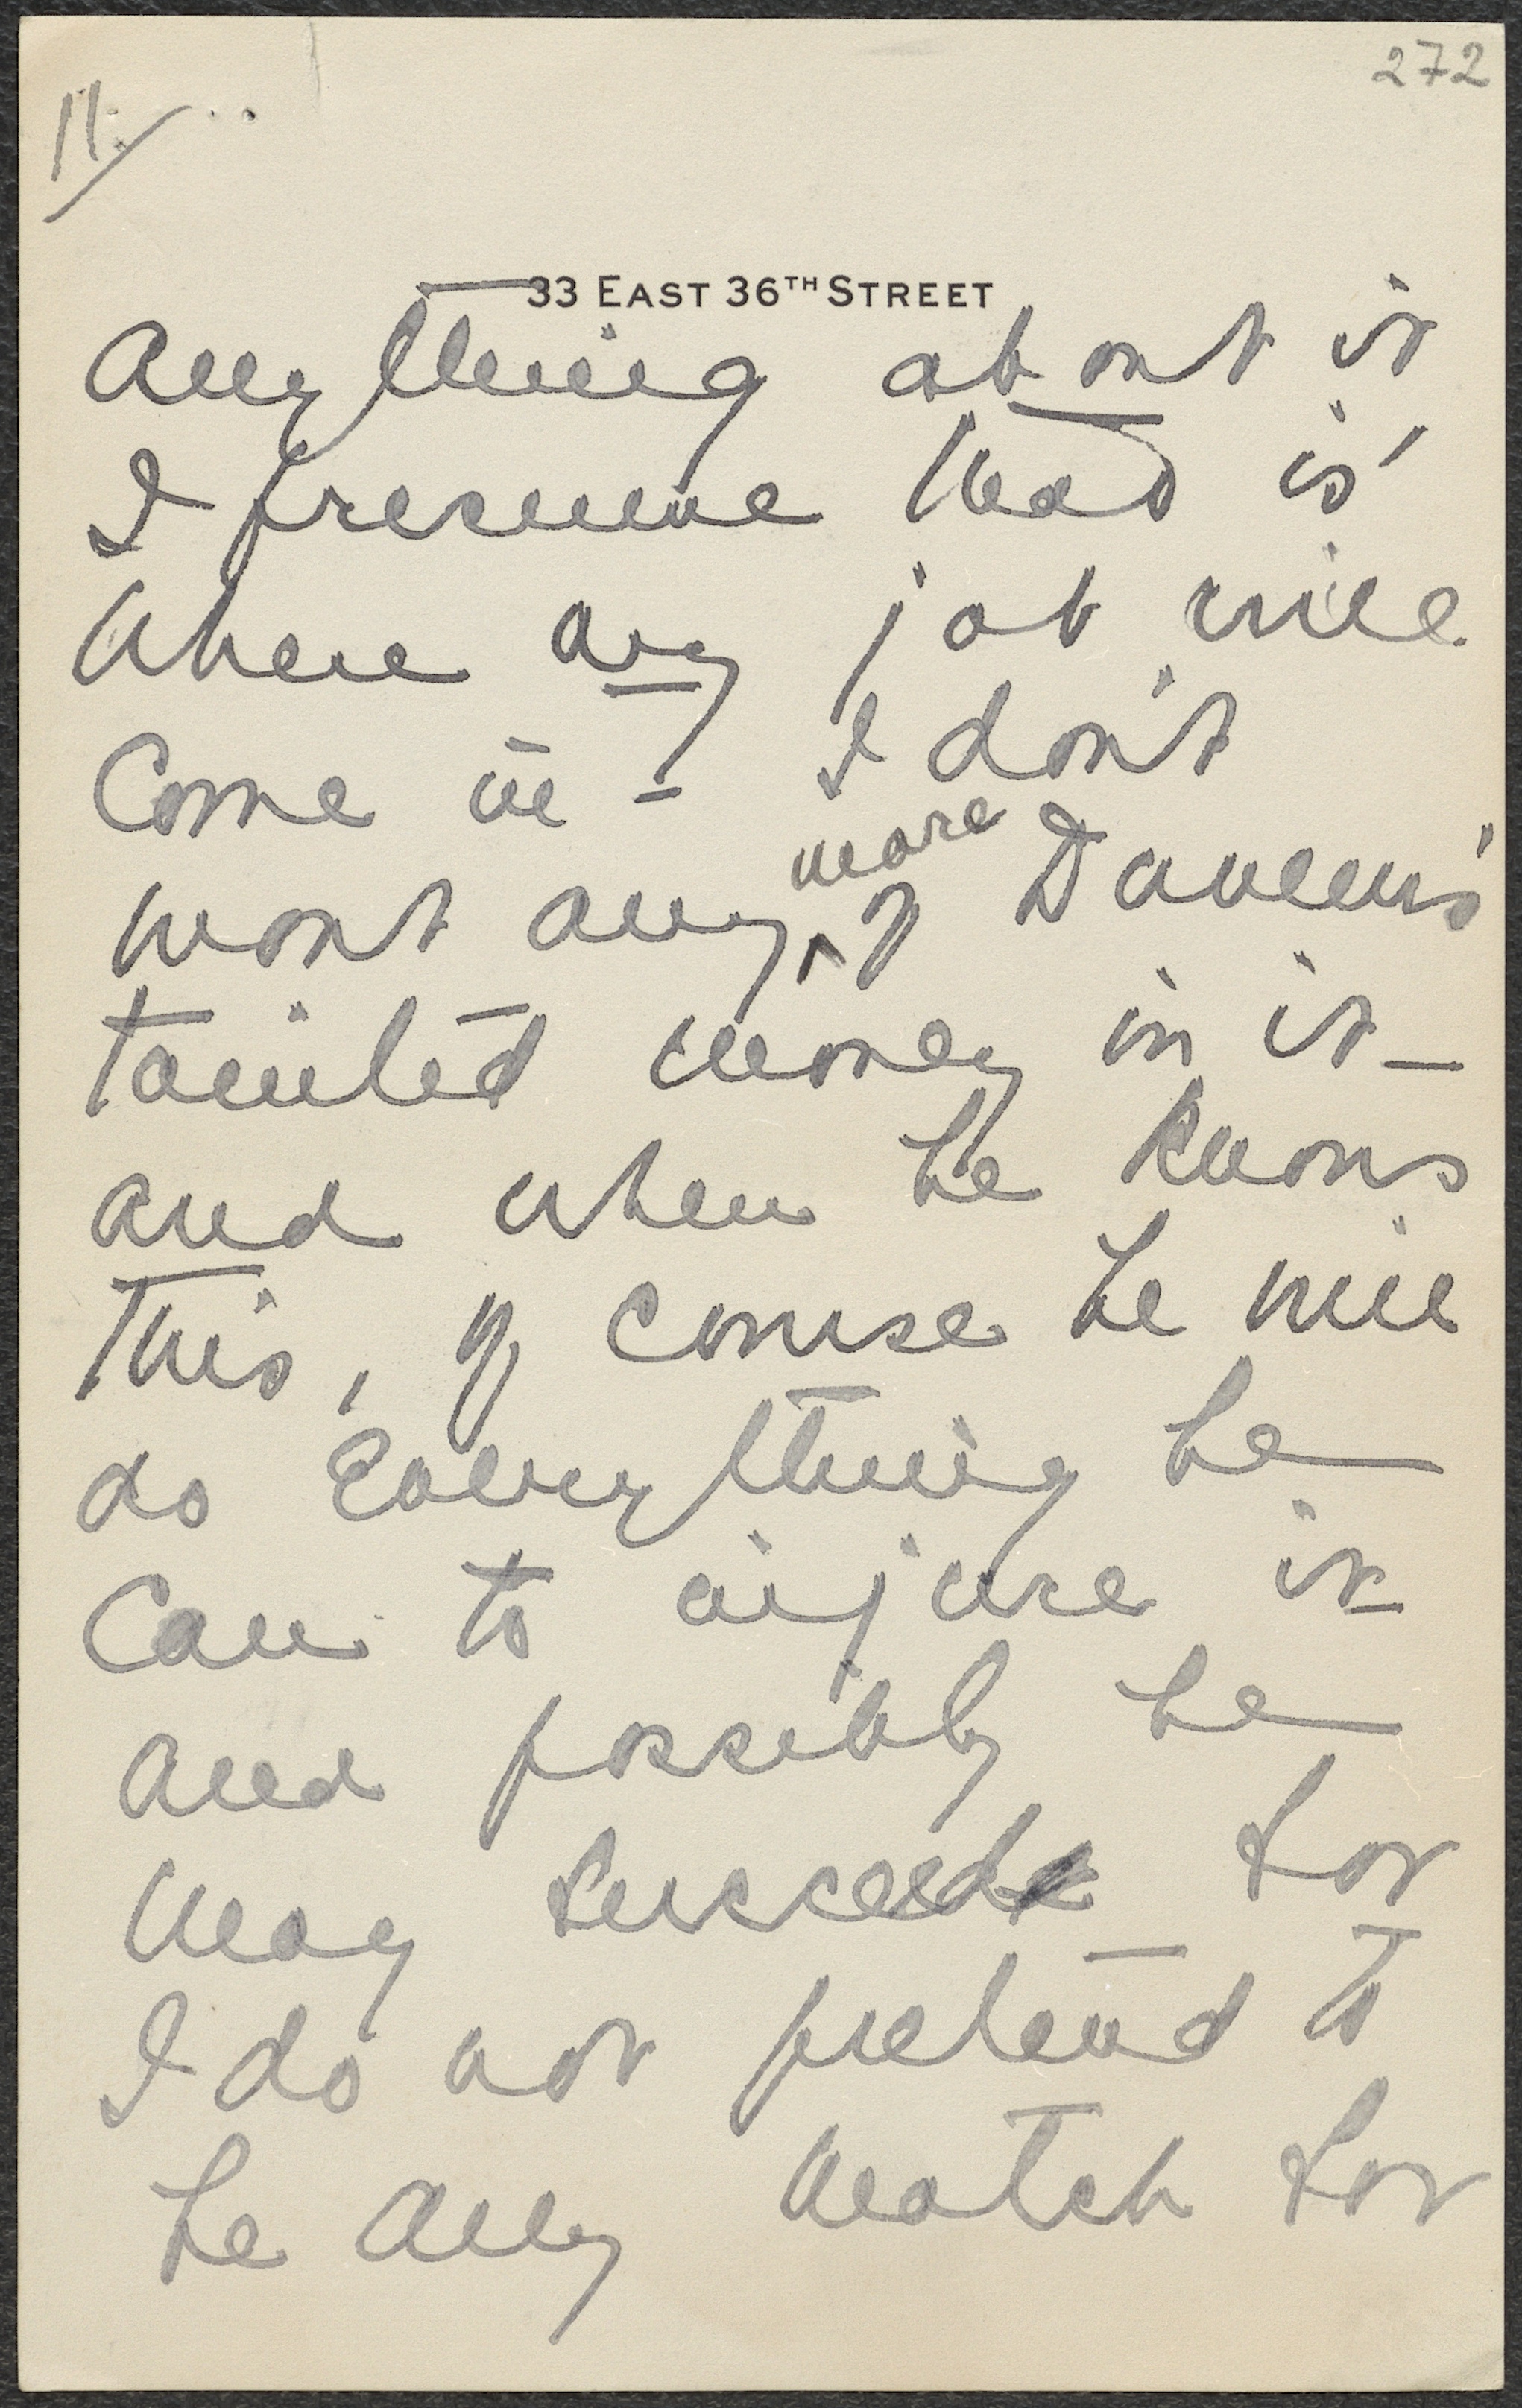11/
anything about it, I presume that is where my job will come in – I don’t want any [^more^] of Duveen’s tainted money in it – and when he knows this, of course he will do everything he can to injure it – and possibly he may succeede for I do not pretend to be any match for